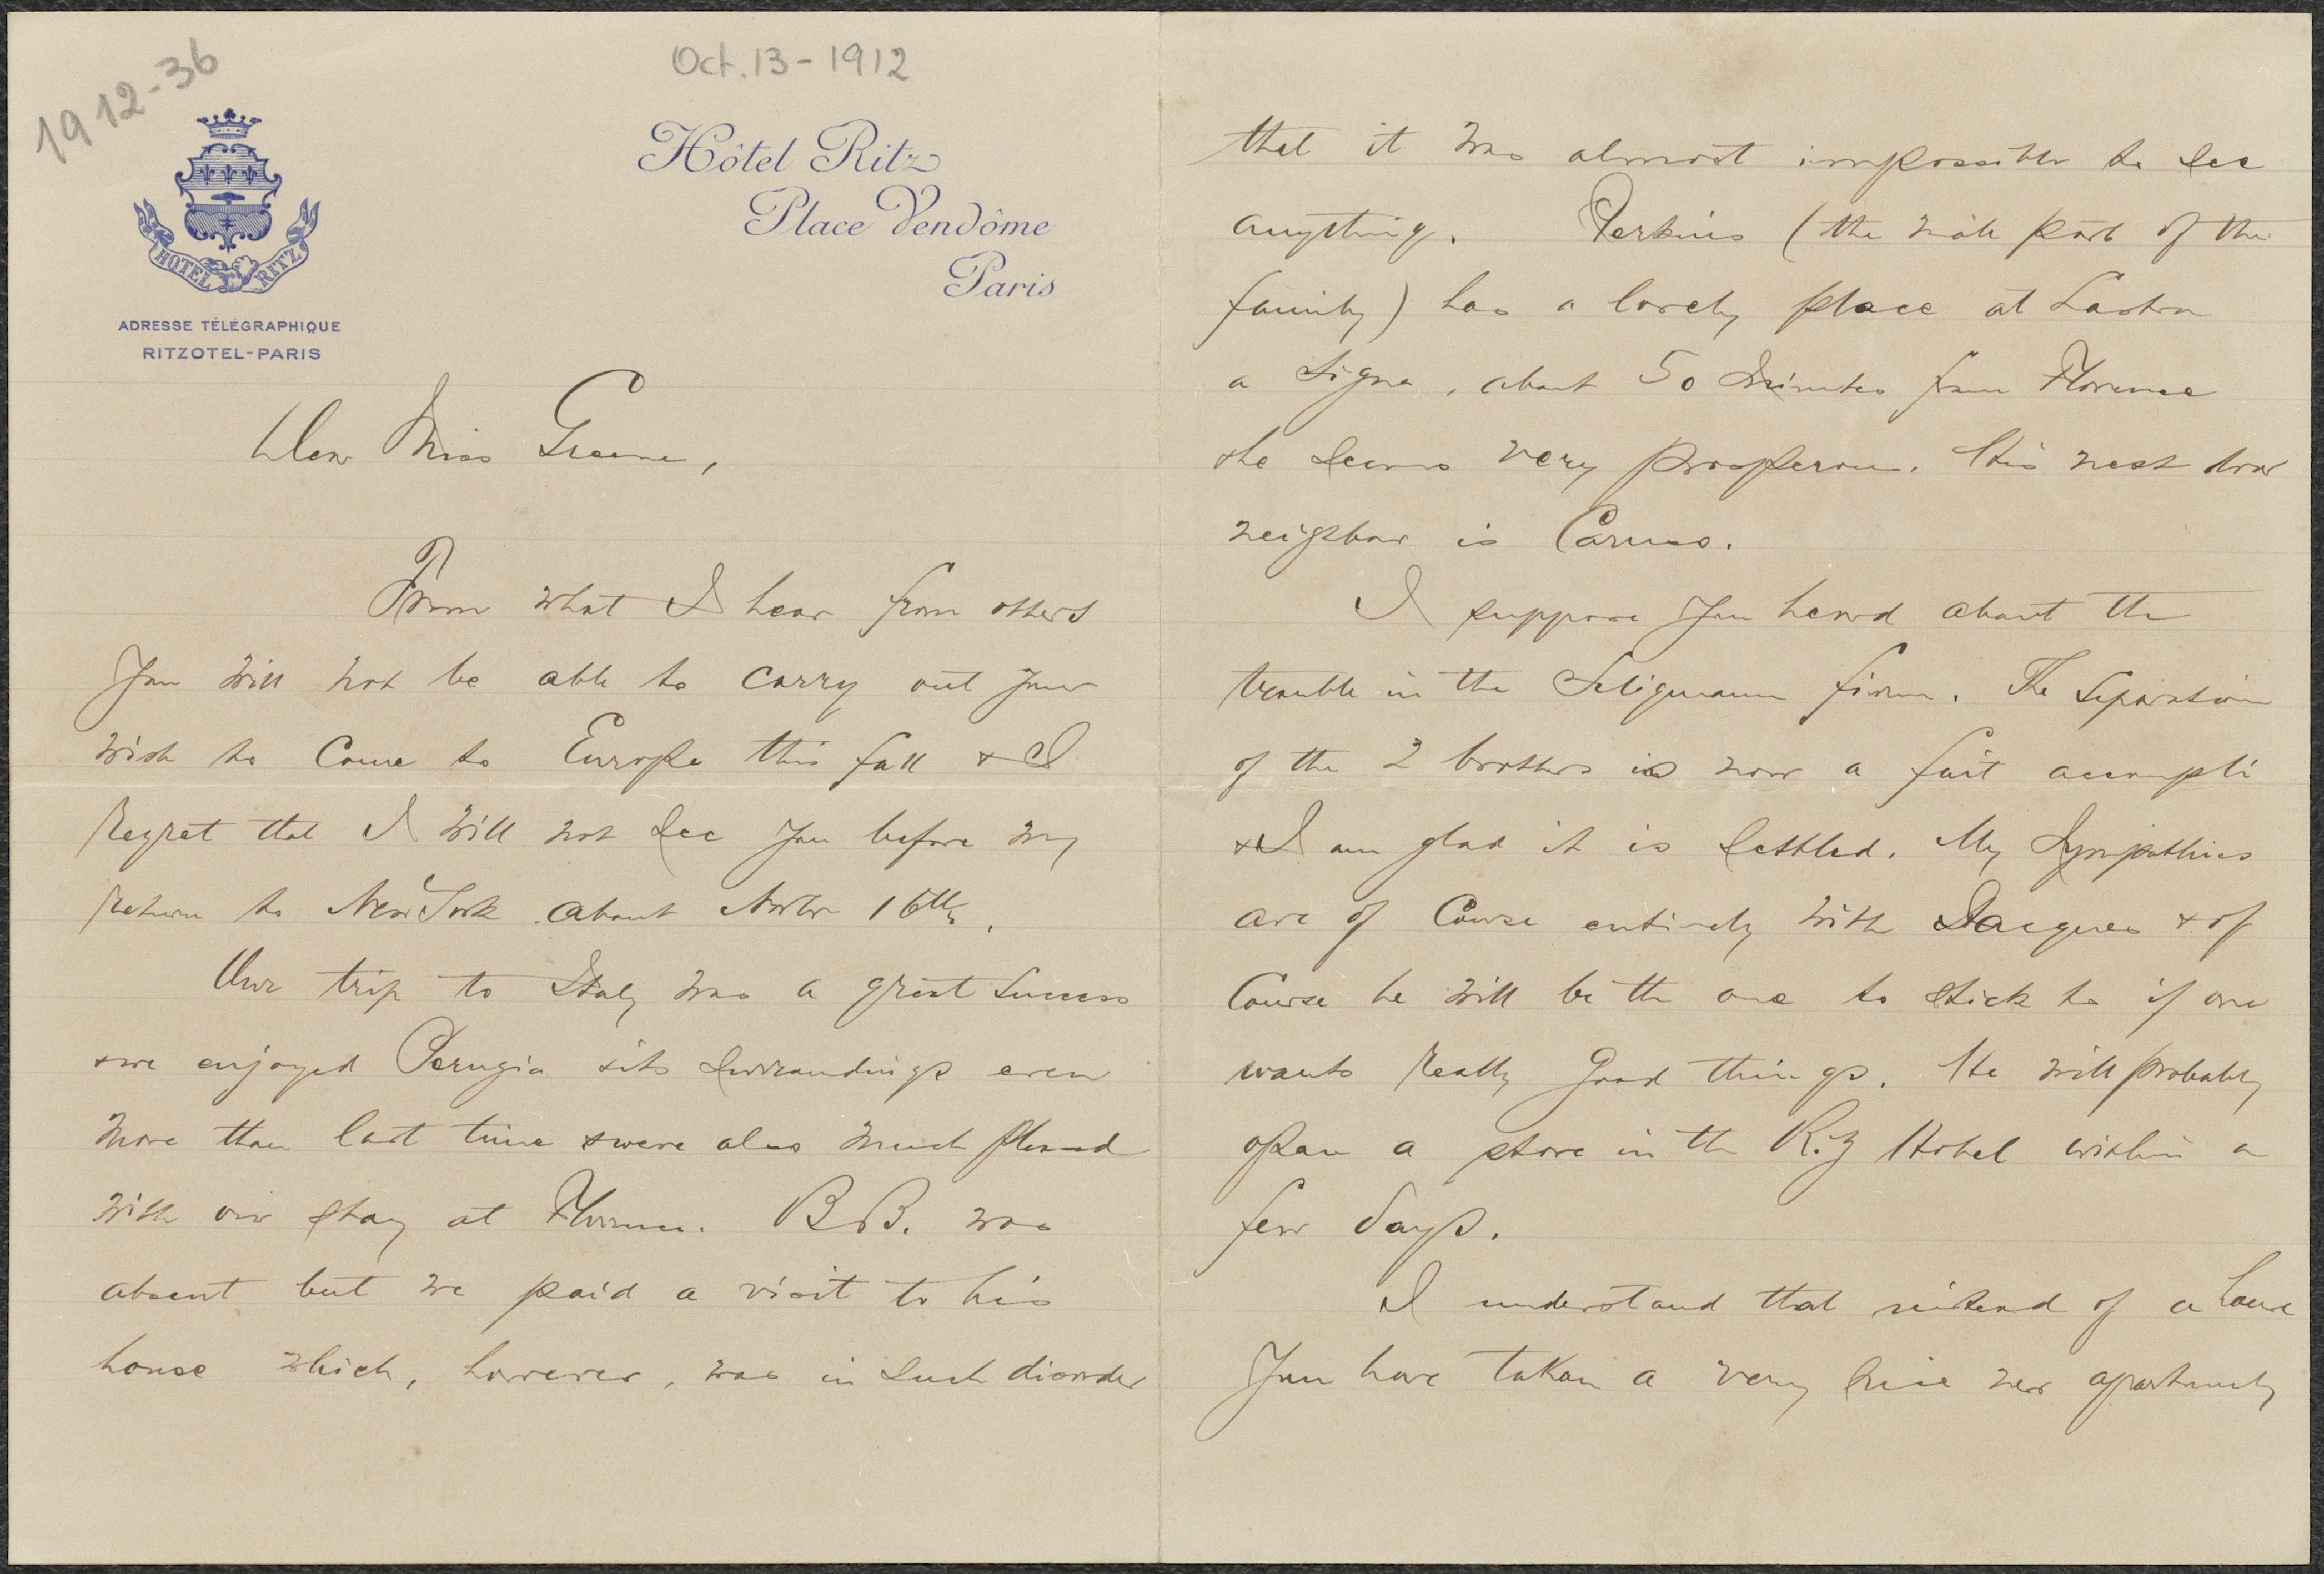Dear Miss Greene,
From what I hear from others you will not be able to carry out your wish to come to Europe this fall & I regret that I will not see you before my return to New York about November 16th.
Our trip to Italy was a great success & we enjoyed Perugia & its surroundings even more than last time & were also much pleased with our stay at Florence. BB. was absent but we paid a visit to his house which, however, was in such disorder
that it was almost impossible to see anything. Perkins (the rich part of the family) has a lovely place at Lastra a Signa, about 50 minutes from Florence & he seems very prosperous. His next door neighbor is Caruso.
I suppose you heard about the trouble in the Seligmann firm. The separation of the 2 brothers is now a fait accompli & I am glad it is settled. My sympathies are of course entirely with Jacques & of course he will be the one to stick to if one wants really good things. He will probably open a store in the Ritz Hotel within a few days.
I understand that instead of a house you have take a very fine new apartment